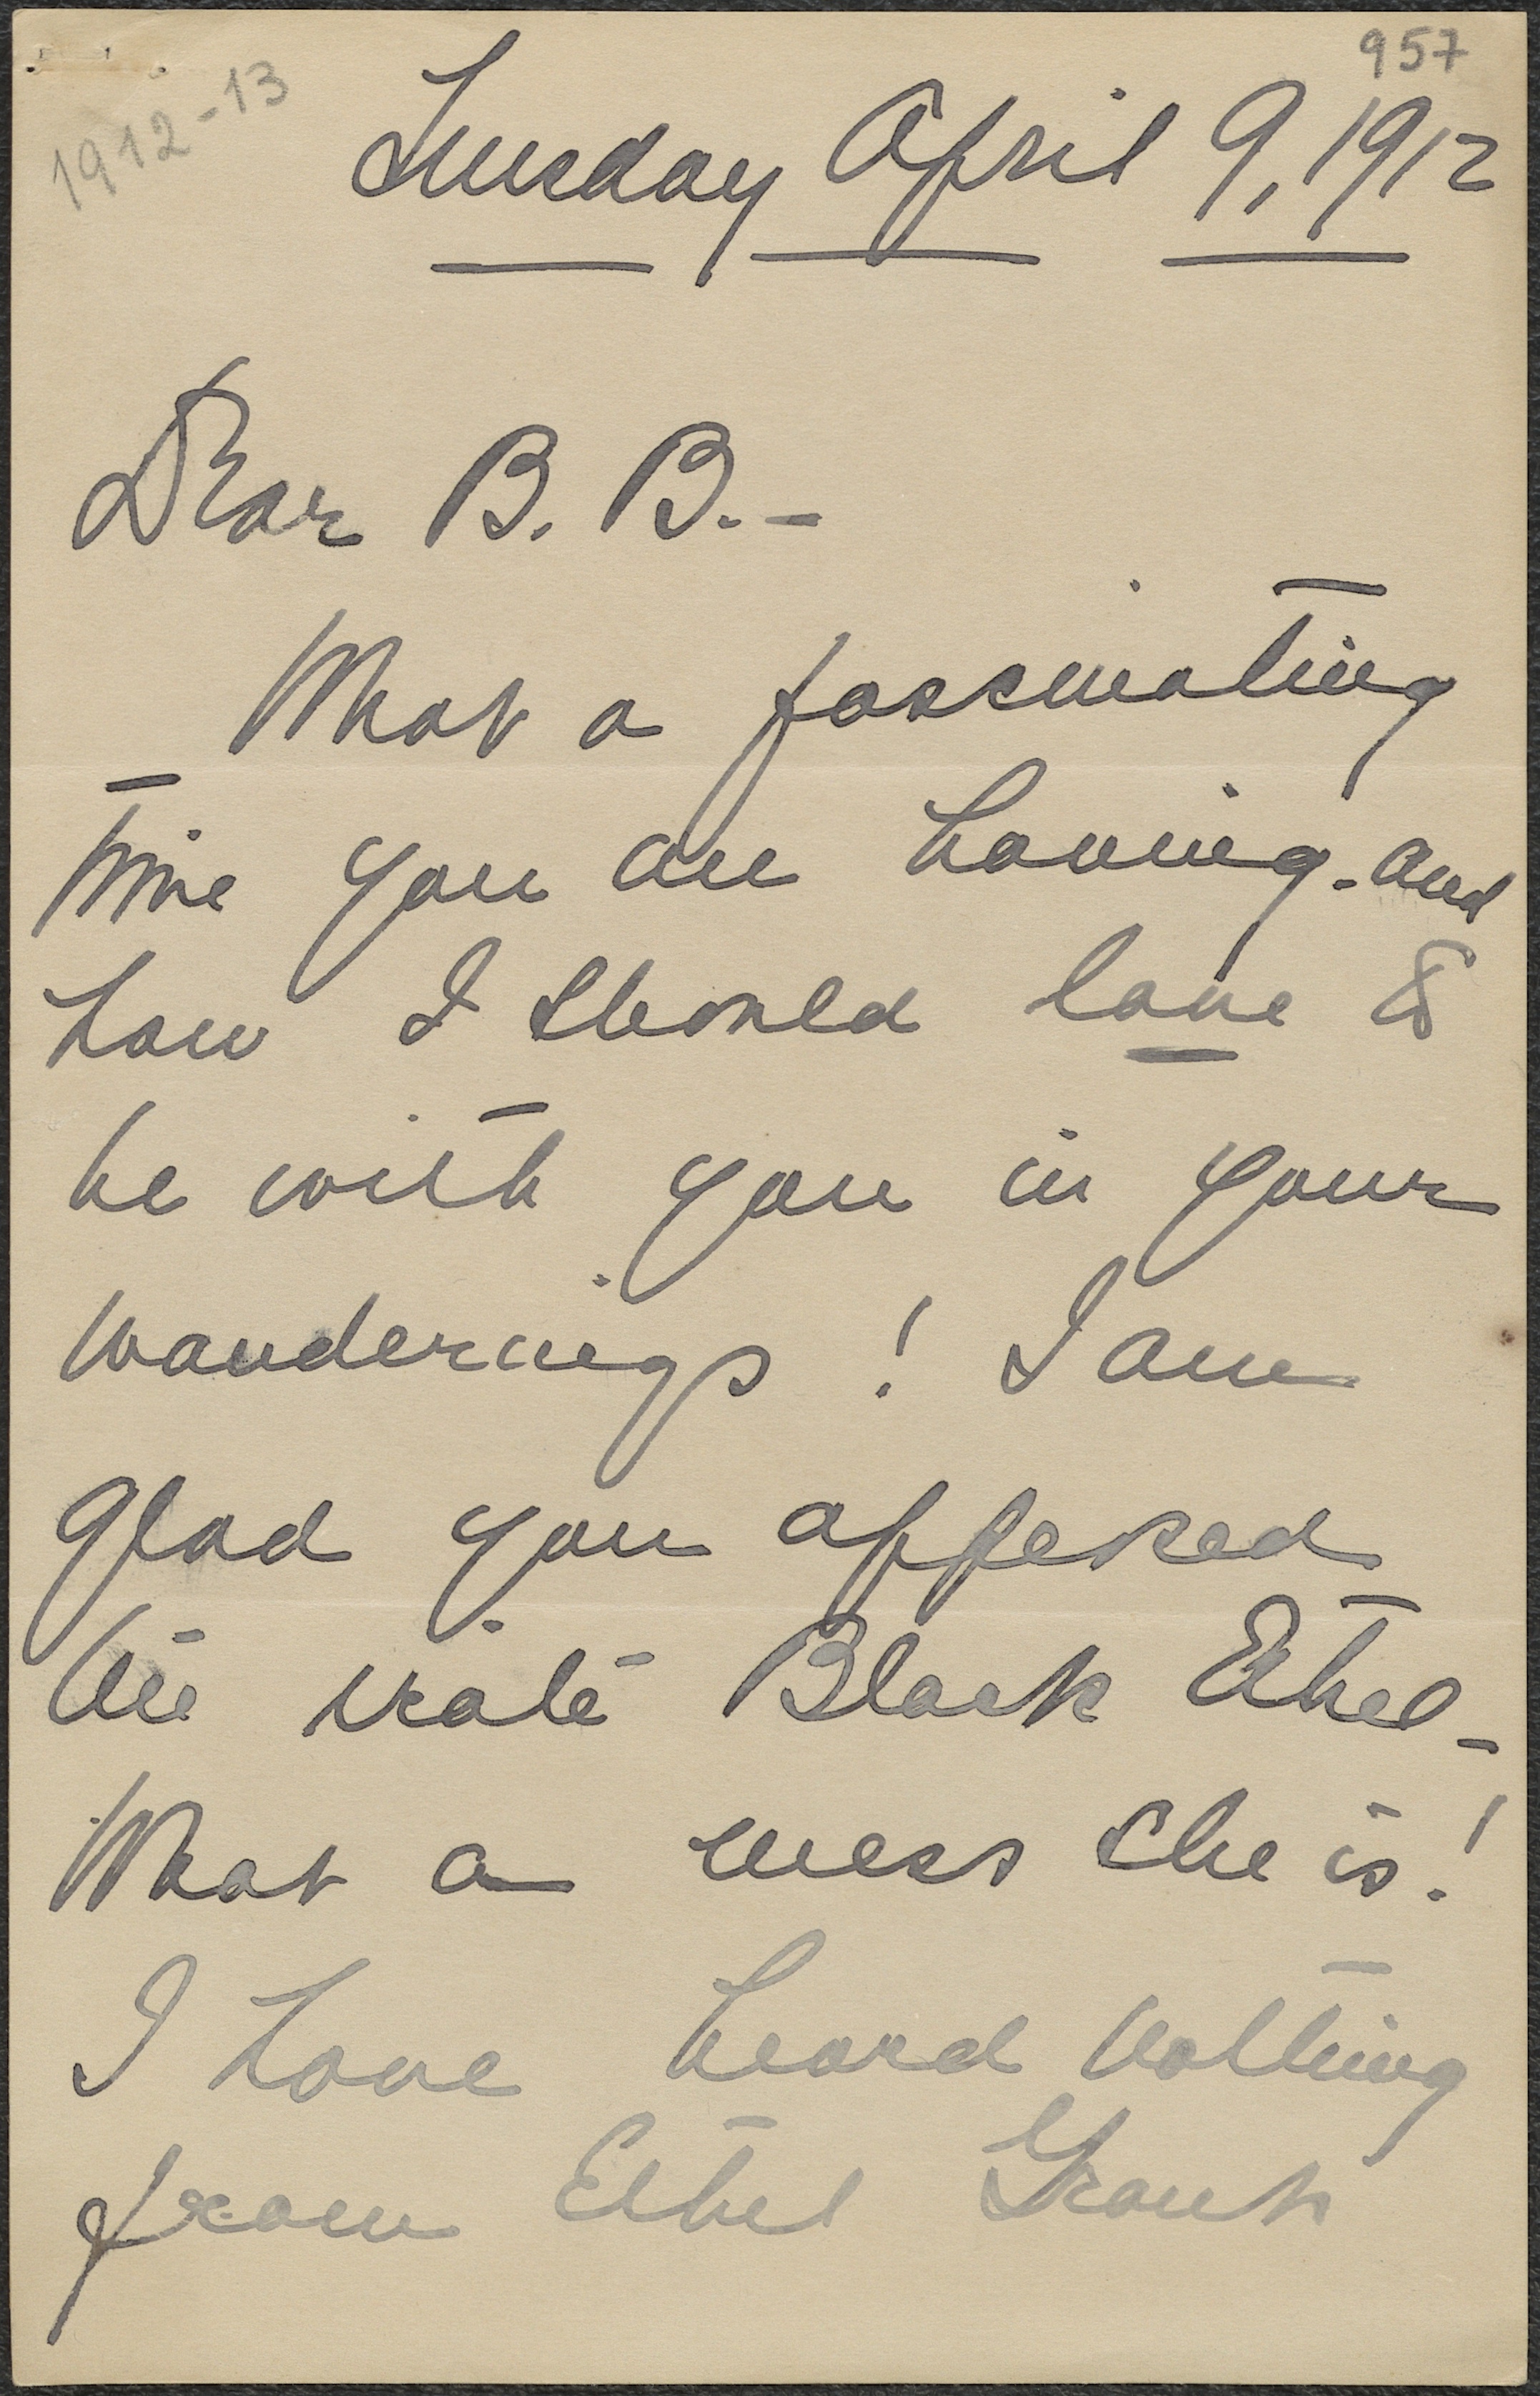Tuesday April 9, 1912
Dear B. B. –
What a fascinating time you are having – and how I should love to be with you in your wanderings! I am glad you appeased the irate Black Ethel – What a mess she is! I have heard nothing from Ethel Grant